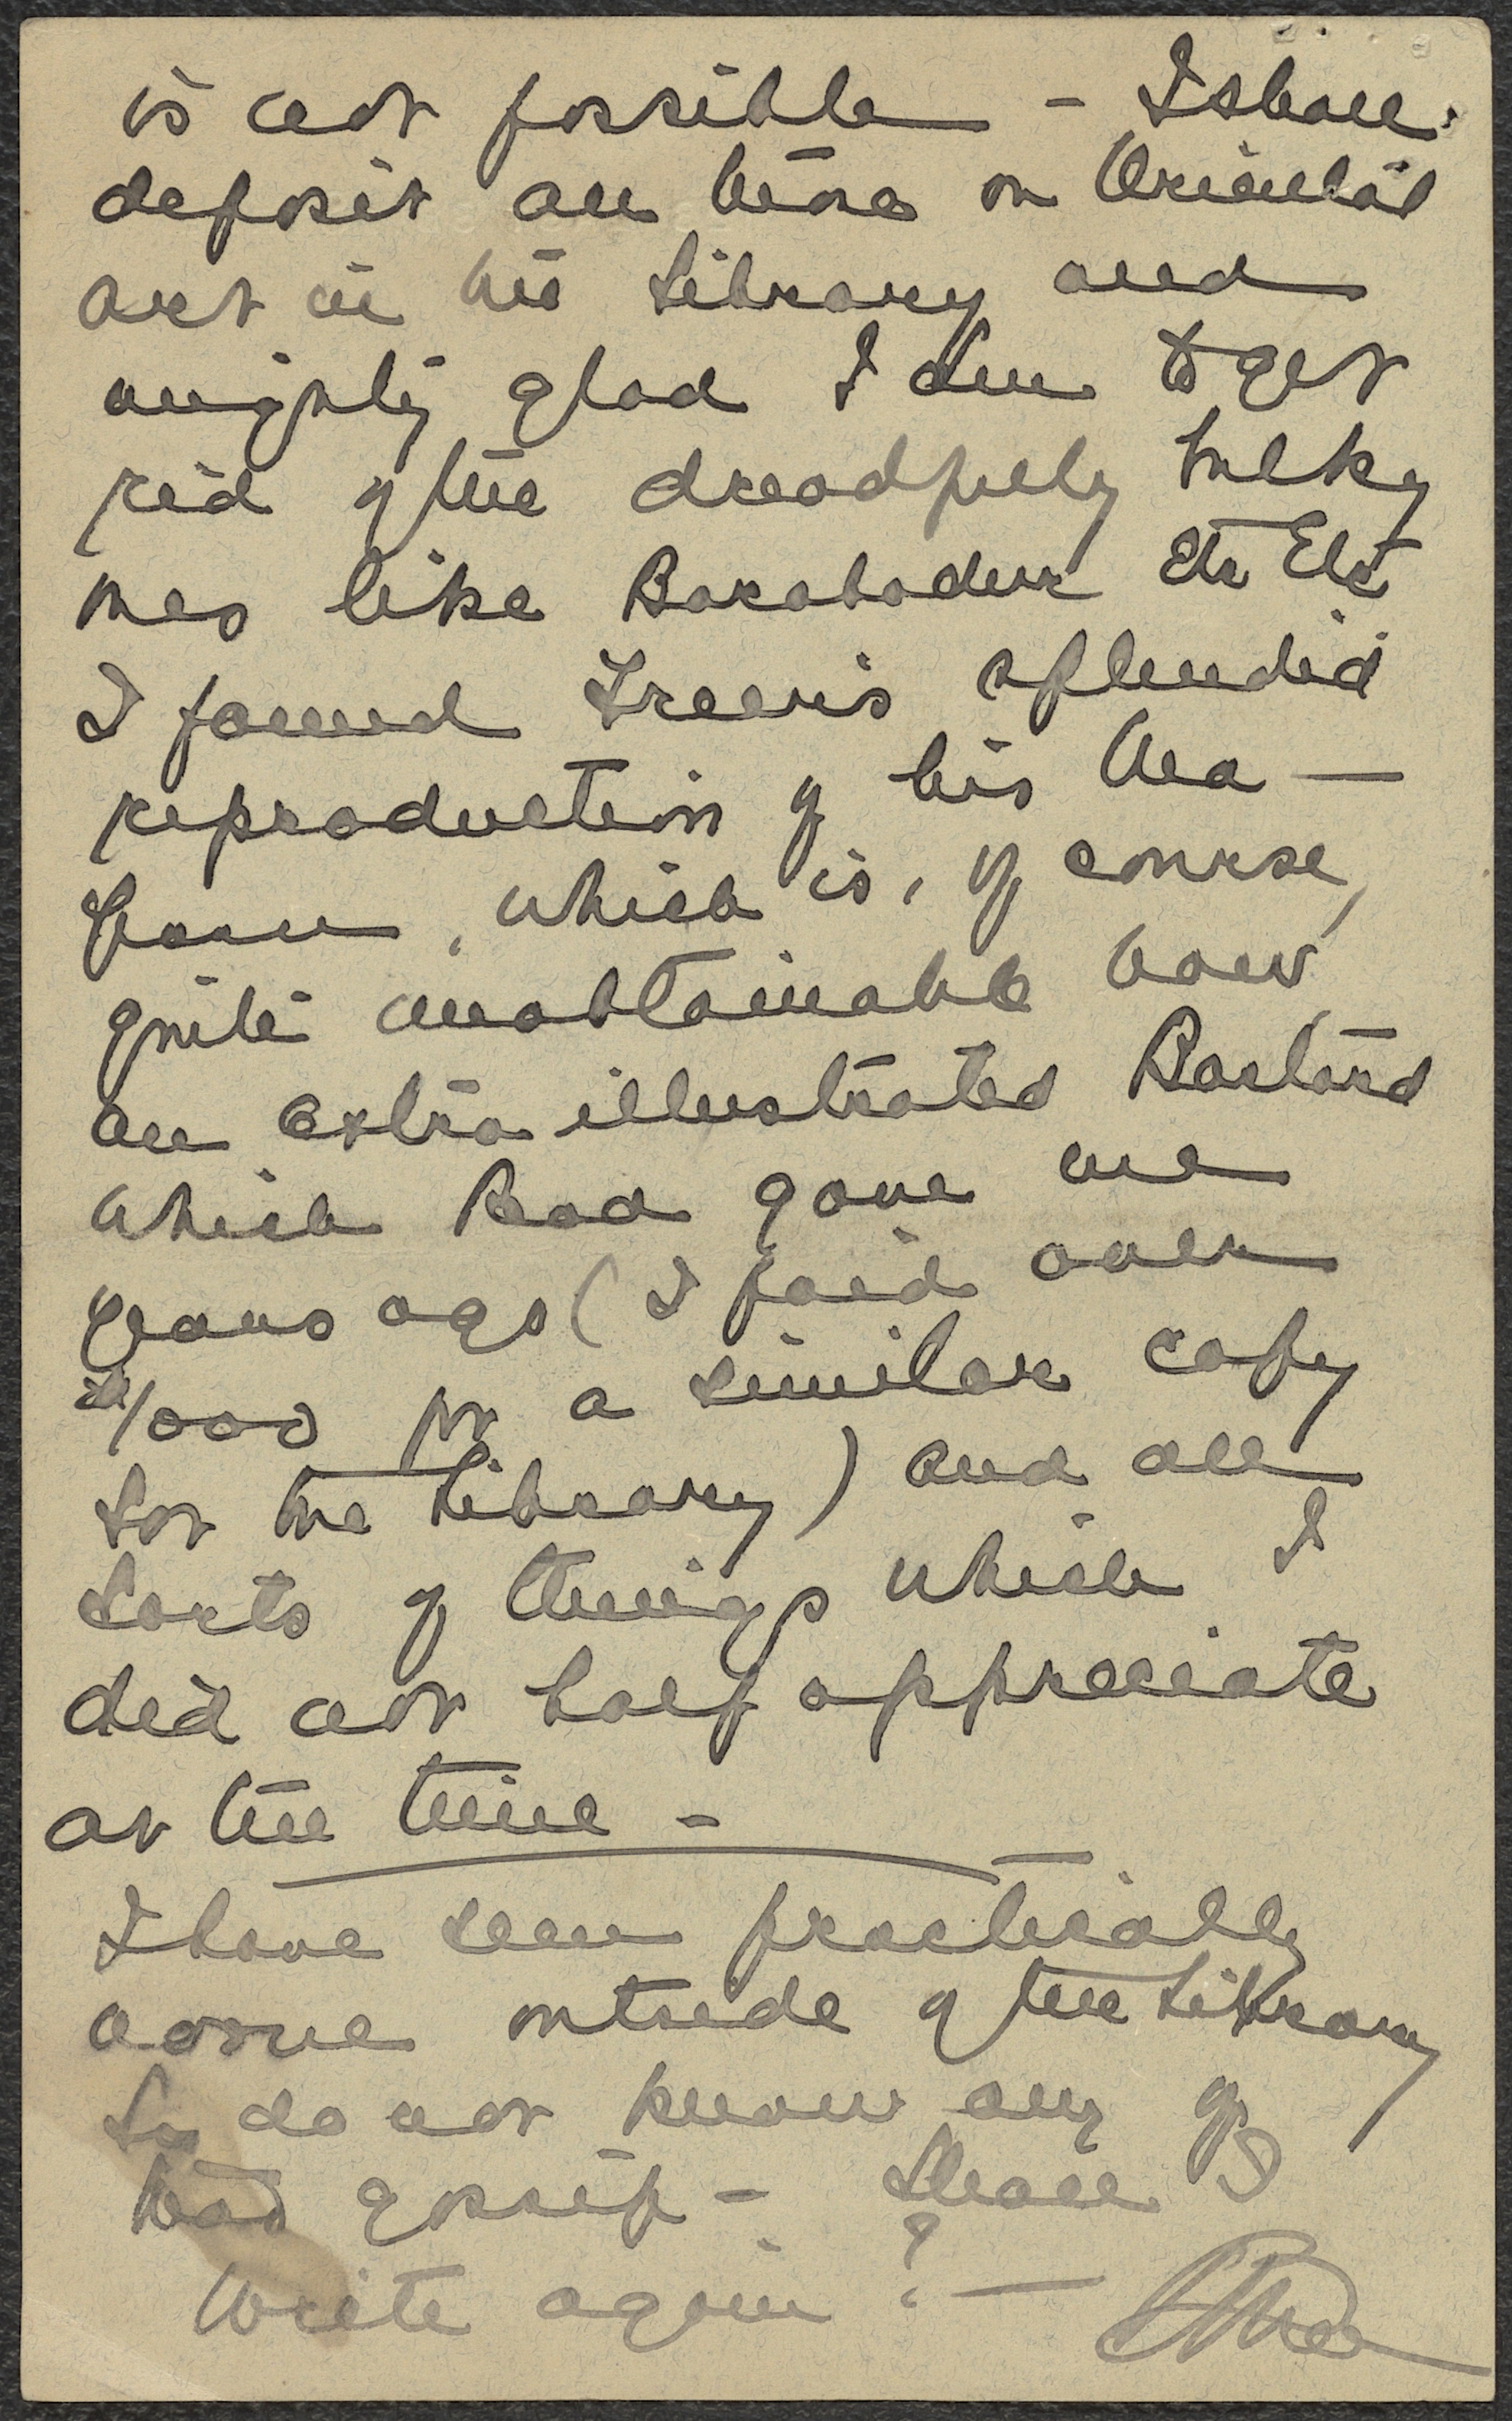is not possible – I shall deposit all those on Oriental Art in the Library and mighty glad I am to get rid of the dreadfully bulky ones like Barabadur etc etc I found Freer’s splendid reproduction of his Ma-fuau, which is, of course, quite unobtainable now an extra illustrated Bastard which Read gave me years ago (I paid over $1000 for a similar copy for the Library) and all sorts of things which I did not half appreciate at the time –
I have seen practically noone outside of the Library so do not know any of that gossip – Shall I write again? – Belle